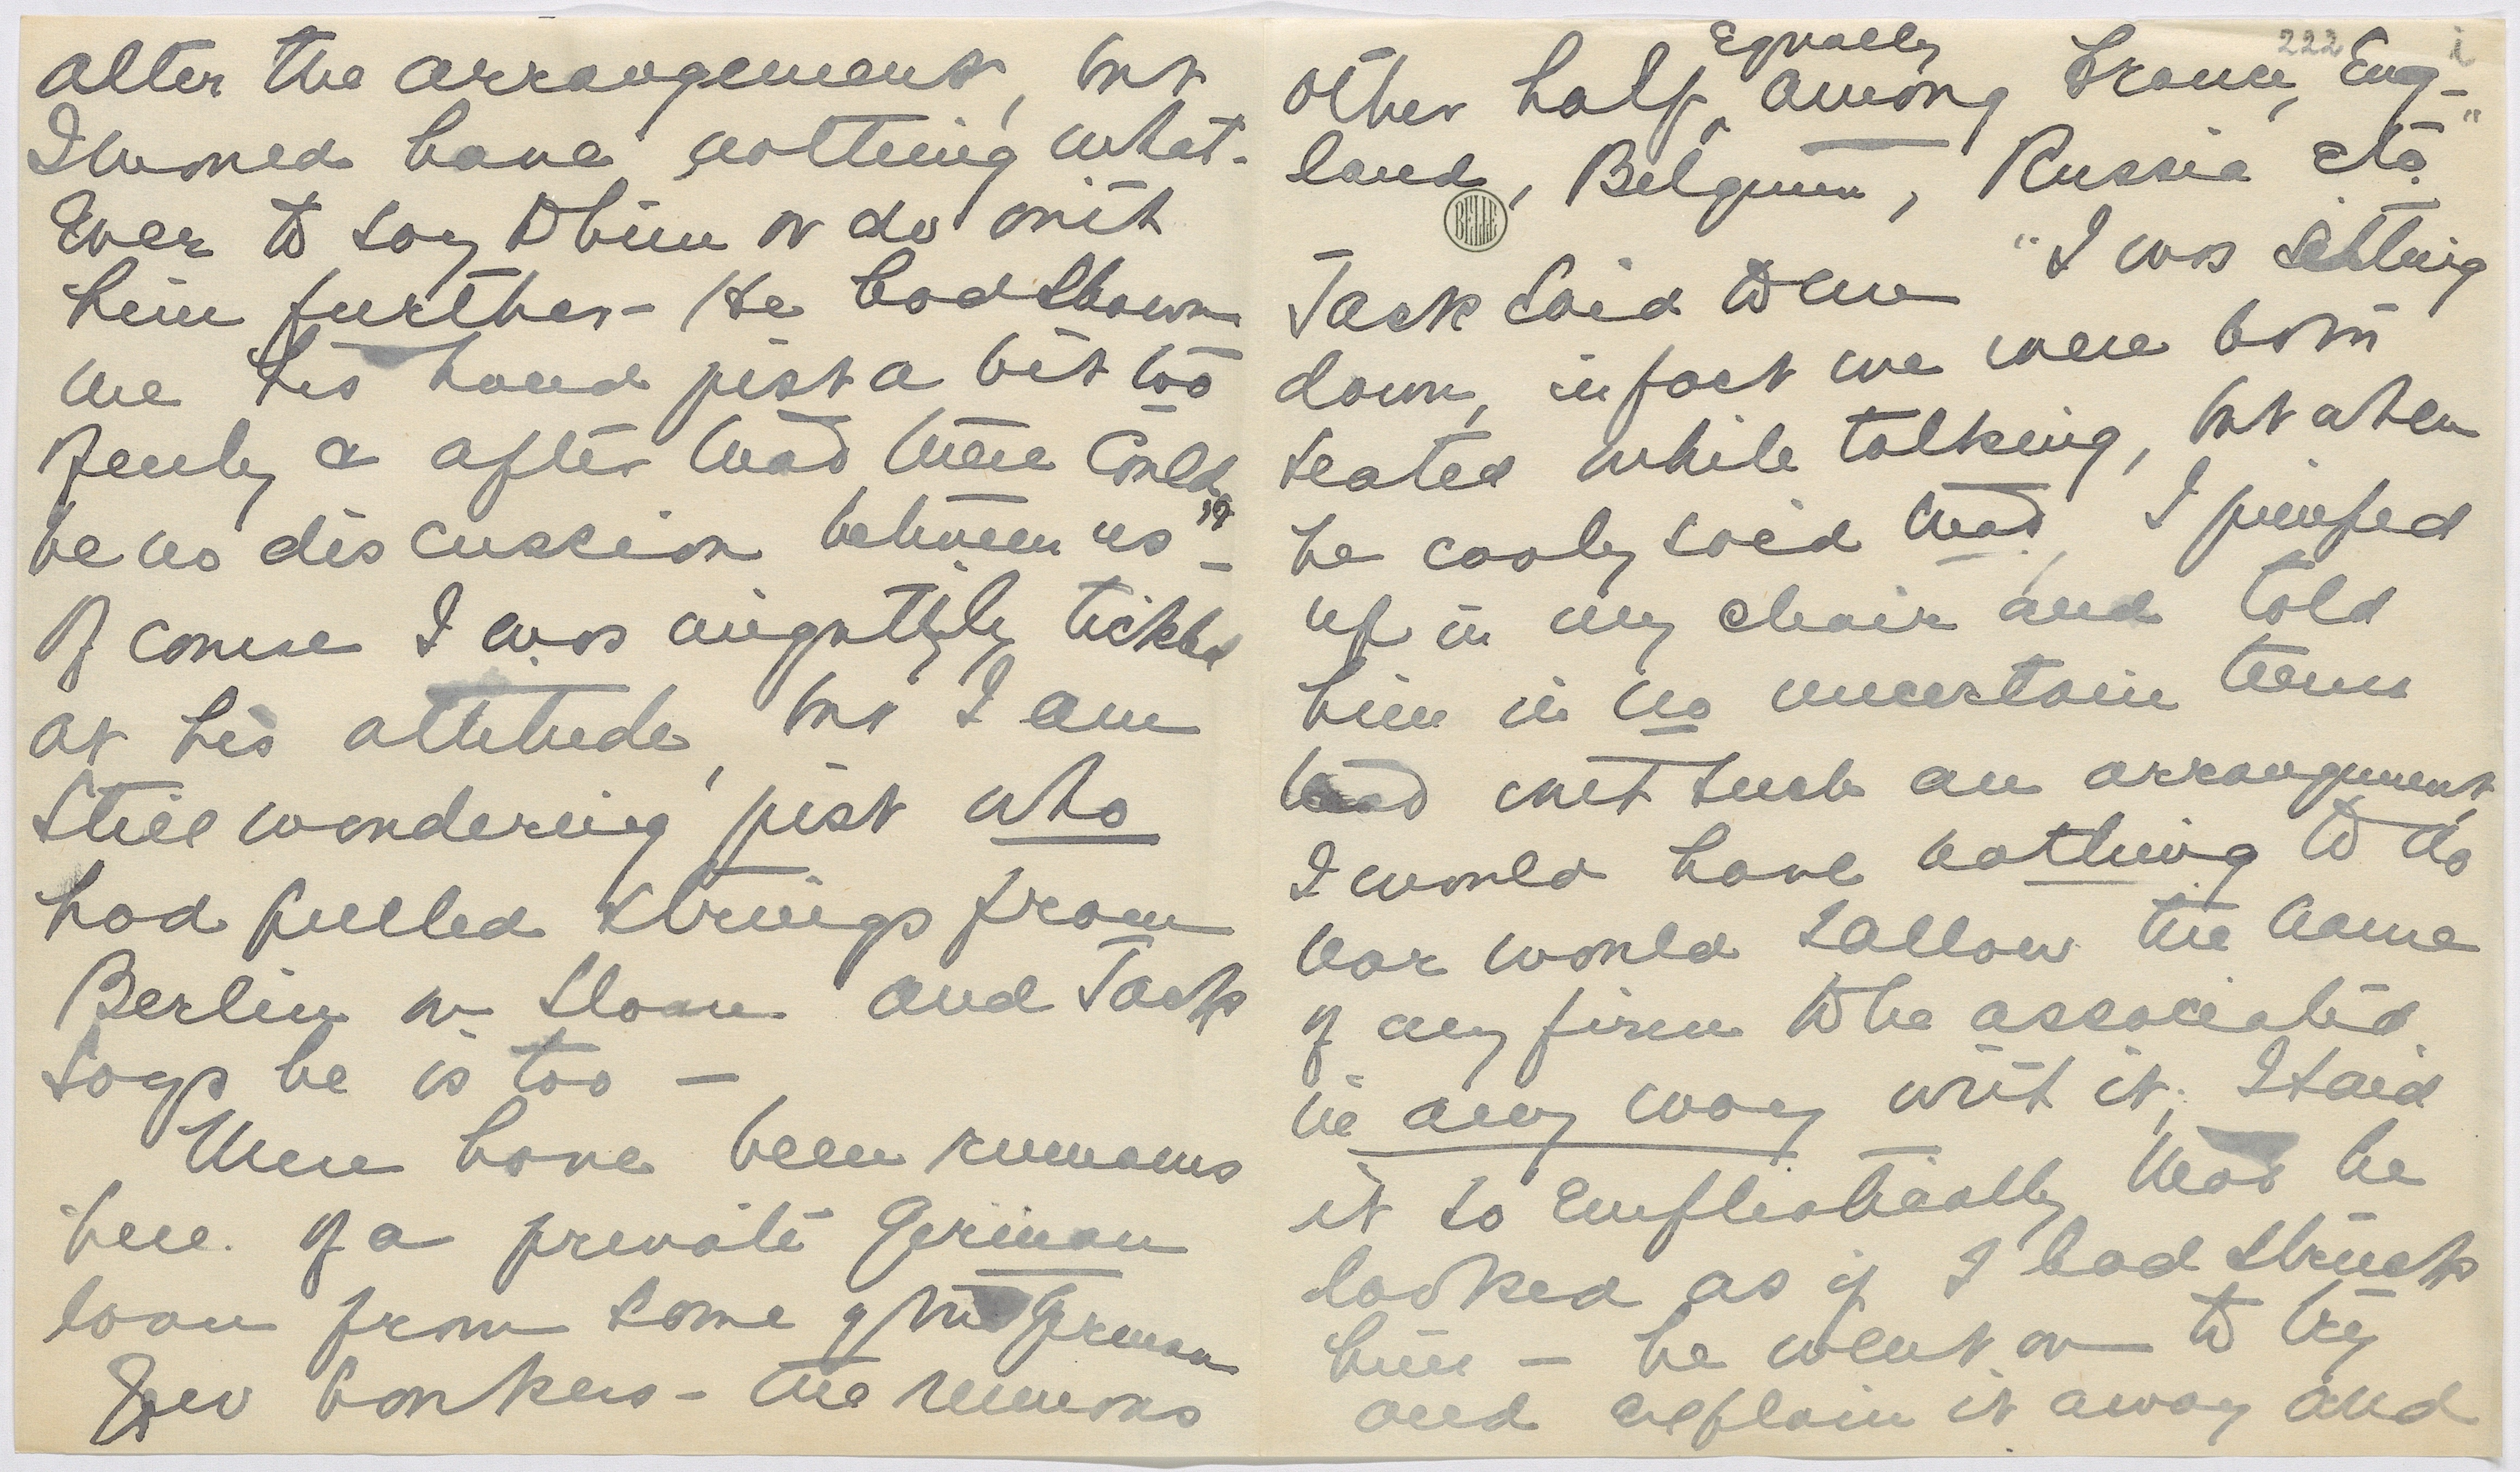other half [inserted: equally] among France, England, Belgium, Russia etc.” Jack said to me “I was sitting down, in fact we were both seated while talking, but after he cooly said that, I jumped up in my chair and told him in no uncertain terms that with such an arrangement I would have nothing to do nor would I allow the name of my firm to be associated in any way with it, I said it so emphatically that he looked as if I had struck him – he went on to try and explain it away and
alter the arrangement, but I would have nothing whatever to say to him or do with him further – He had shown me his hand just a bit too openly & after that there could be no discussion between us – of course I was mightily tickled at his attitude, but I am still wondering just who had pulled strings from Berlin on Sloan and Jack says he is too –
There have been rumours [sic] here of a private German loan from some of the German Jew bankers – the rumours [sic]